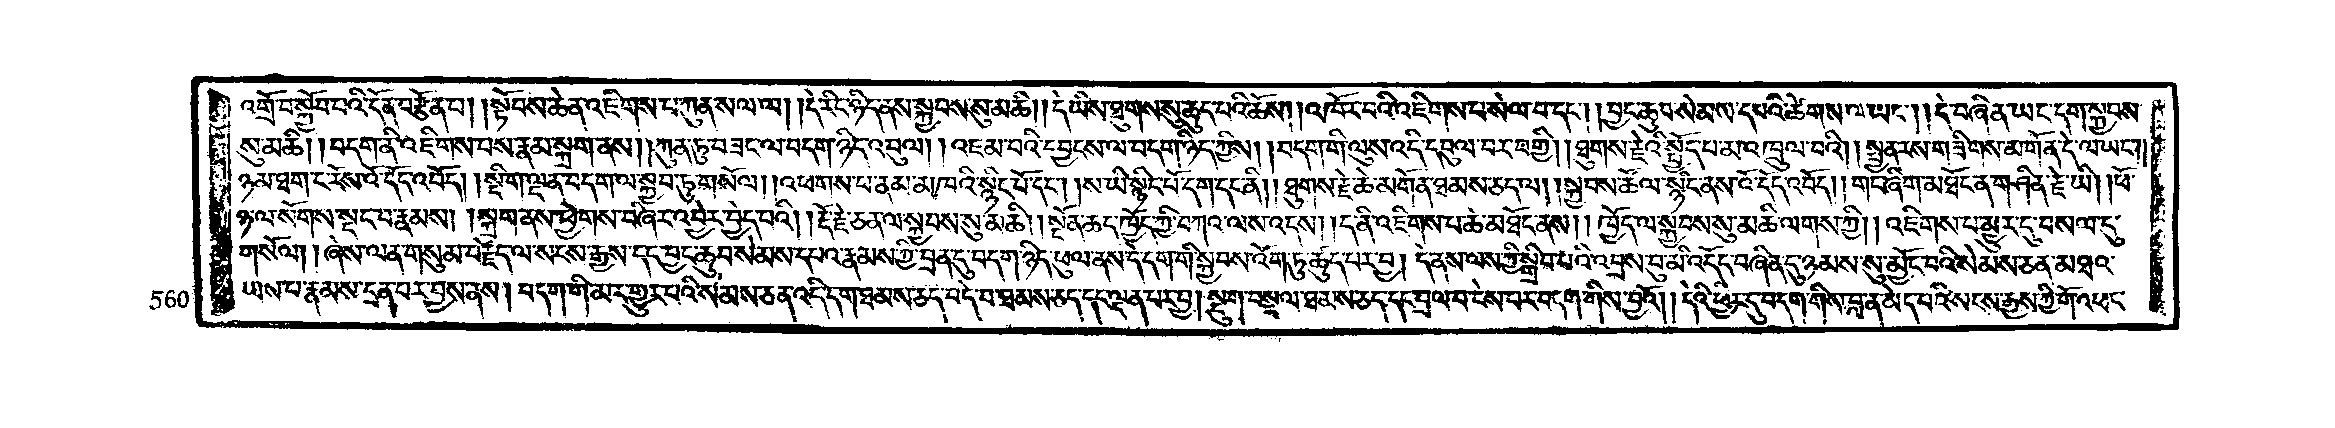འགྲོ་བ་སྐྱོབ་པའི་དོན་བརྩོན་པ། །སྟོབས་ཆེན་འཇིགས་པ་ཀུན་སེལ་ལ། །དེ་རིང་ཉིད་ནས་སྐྱབས་སུ་མཆི། །དེ་ཡིས་ཐུགས་སུ་ཆུད་པའི་ཆོས། །འཁོར་བའི་འཇིགས་པ་སེལ་བ་དང་། །བྱང་ཆུབ་སེམས་དཔའི་ཚོགས་ལ་ཡང་། །དེ་བཞིན་ཡང་དག་སྐྱབས་
སུ་མཆེ། །བདག་ནི་འཇིགས་པས་རྣམ་སྐྲག་ནས། །ཀུན་ཏུ་བཟང་ལ་བདག་ཉིད་འབུལ། །འཇམ་པའི་དབྱངས་ལ་བདག་ཉིད་ཀྱིས། །བདག་གི་ལུས་འདི་དབུལ་བར་བགྱི། །ཐུགས་རྗེའི་སྤྱོད་པ་མ་འཁྲུལ་བའི། །སྤྱན་རས་གཟིགས་མགོན་དེ་ལ་ཡང།།
ཉམ་ཐག་ང་རོས་འདོད་འབོད། །སྡིག་ལྡན་བདག་ལ་སྐྱབ་ཏུ་གསོལ། །འཕགས་པ་ནམ་མཁའི་སྙིང་པོ་དང་། །ས་ཡི་སྙིང་པོ་དག་དང་ནི། །ཐུགས་རྗེ་ཆེ་མགོན་ཐམས་ཅད་ལ། །སྐྱབས་ཚོལ་སྙིང་ནས་འོ་དོད་འབོད། །གང་ཞིག་མཐོང་ན་གཤིན་རྗེ་ཡི། །ཕོ་
ཉ་ལ་སོགས་སྡང་བ་རྣམས། །སྐྲག་ནས་ཕྱགས་བཞིར་འབྱེར་བྱེད་པའི། །རྡོ་རྗེ་ཅན་ལ་སྐྱབས་སུ་མཆི། །སྔོན་ཆེད་ཁྱོད་ཀྱི་བཀའ་ལས་འདས། །ད་ནི་འཇིགས་པ་ཆེ་མཐོང་ནས། །ཁྱོད་ལ་སྐྱབས་སུ་མཆི་ལགས་ཀྱི། །འཇིགས་པ་མྱུར་དུ་བསལ་དུ་
གསོལ། །ཞེས་ལན་གསུམ་བརྗོད་ལ་སངས་རྒྱས་དང་བྱང་ཆུབ་སེམས་དཔའ་རྣམས་ཀྱི་བྲན་དུ་བདག་ཉིད་ཕུལ་ནས་དེ་དག་གི་སྐྱབས་འོག་ཏུ་ཚུད་པར་བྱ། དེ་ནས་ལས་ཀྱི་སྒྲིབ་པའི་འབྲས་བུ་མི་འདོད་བཞིན་དུ་ཉམས་སུ་མྱོང་བའི་སེམས་ཅན་མཐའ་
ཡས་པ་རྣམས་དྲན་པར་བྱས་ནས། བདག་གི་མར་གྱུར་པའི་སེམས་ཅན་འདི་དག་ཐམས་ཅད་བདེ་བ་ཐམས་ཅད་དང་ལྡན་པར་བྱ། སྡུག་བསྔལ་ཐམས་ཅད་དང་བྲལ་བ་ངེས་པར་བདག་གིས་བྱའོ། །དེའི་ཕྱིར་དུ་བདག་གིས་བླ་ན་མེད་པའི་སངས་རྒྱས་ཀྱི་གོ་འཕང་